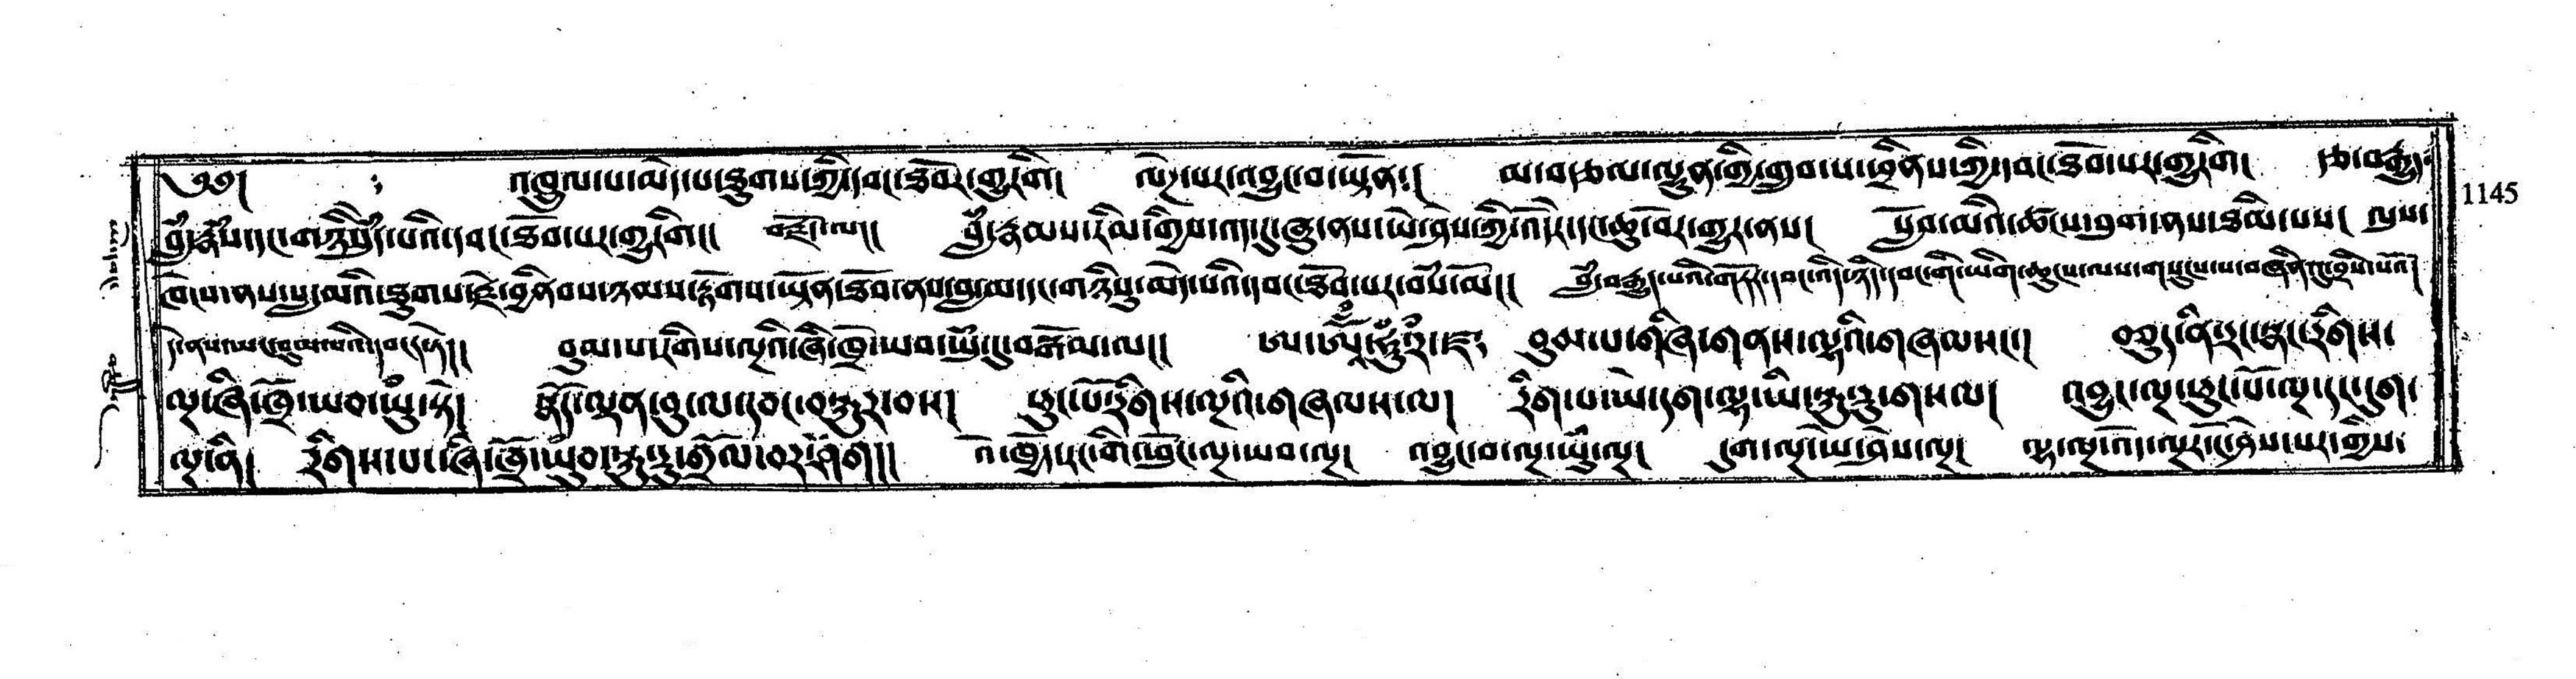འཁྲུལ་པ་མེད་པ་ཐུགས་ཀྱི་དབང་ཐོབ་པར་གྱུར་ཅིག ལེགས་པར་འབྱུང་བ་ཡོན་ཏན༴། མ་བརྩལ་ལྷུན་གྱི་གྲུབ་པ་ཕྲིན་ལས་ཀྱི་དབང་ཐོབ་པར་གྱུར་ཅིག རྩ་བརྒྱུད་
བླ་མ་རྣམས་དང་གཉིས་སུ་མེད་པའི་དབང་ཐོབ་པར་གྱུར་ཅིག བརྗོད་ལ།། བླ་མ་རྣམས་རིམ་གྱིས་འོད་དུ་ཞུ་ནས་ཡེ་ཤེས་ཀྱི་འོད་ཟེར་དང་ཆུ་བོར་གྱུར་ནས། སློབ་མའི་ཚངས་བུག་ནས་ཐིམ་པས། ལུས་
ཁེངས་ནས་སླ་མའི་ཐུགས་རྗེ་བྱིན་རླབས་ཉམས་རྟོགས་ཡོན་ཏན་ཐོབ་ནས་བླ་མ་དང་གཉིས་སུ་མེད་པའི་དབང་ཐོབ་པར་བསམ་མོ།། བླ་མ་བརྒྱུད་པའི་གཏོར་དབང་འདི་ཉིད་དབང་གི་ཡིག་ཆུངས་ལས་གསུངས་པ་བཞིན་དུ་བྲིས་པའོ། 
དེ་ནས་ཡང་བུམ་པའི་དབང་བསྐུར་ཏེ།། བུམ་པ་རིགས་ལྔའི་ཞི་ཁྲོ་ཡབ་ཡུམ་དུ་བསྒོམ་ལ།། ཨ་ཨཱོཾ་ཧཱུྃ་རཾ་ཛ། བུམ་པ་གཞི་གནས་ལྷའི་གཞལ་ཡས་ཁང་། བཅུད་ནི་རང་སྣང་རིགས་
ལྔ་ཞི་ཁྲོ་ཡབ་ཡུམ་སྟེ། སྣོད་ལྡན་བུ་ལ་དབང་བསྐུར་བས། ཕུང་པོ་རིགས་ལྔའི་གཞལ་ཡས་ལ། རིག་པ་ཡེ་དག་ལྷ་ཡི་སྐུ་རུ་གསལ། འབྱུང་ལྔ་ཕུང་པོ་ལྔ་དང་དུག་
ལྔ་ནི། རིགས་པ་ཞི་ཁྲོ་ཡབ་ཡུམ་སྐུ་རུ་གྲོལ་བར་ཤོག།། འོ་ཁྱོད་རང་གི་ཕུང་པོ་ལྔ་ཡབ་ལྔ། འབྱུང་བ་ལྔ་ཡུམ་ལྔ། དུག་ལྔ་ཡེ་ཤེས་ལྔ། ལྷ་ལྔ་འོད་ལྔར་ངོ་ཤེས་པར་གྱིས་